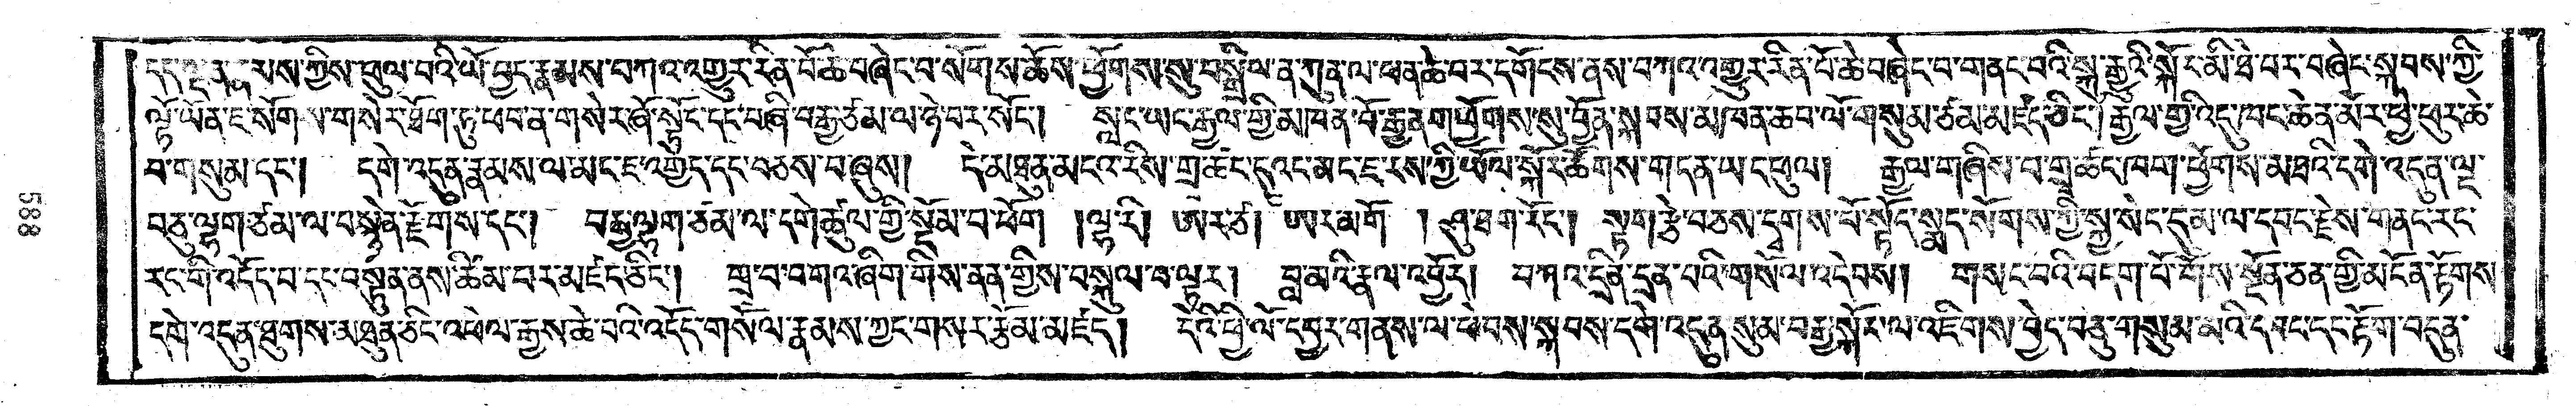དད་ལྡན་རྣམས་ཀྱིས་ཕུལ་བའི་ཡོ་བྱད་རྣམས་བཀའ་འགྱུར་རིན་བོ་ཆེ་བཞེང་བ་སོགས་ཆོས་ཕྱོགས་སུ་བསྒྲིལ་ན་ཀུན་ལ་ཕན་ཆེ་བར་དགོངས་ནས་བཀའ་འགྱུར་རིན་པོ་ཆེ་བཞེང་བ་གནང་བའི་སྐུ་རྒྱུའི་སྐོང་མི་ཐེ་བར་བཞེང་སྐབས་ཀྱི་
ལྟོ་ཡོན་ཇ་སོགས་གསེར་ཐོག་ཏུ་ཕབ་ན་གསེར་ཞོ་སྟོང་དང་བཞི་བརྒྱ་ཙམ་ལ་ཉེ་བར་སོང་། སླང་ཡང་རྒྱལ་གྱི་མཁན་བོ་རྒྱན་ག་ཕྱོགས་སུ་བྱོན་སྐབས་མཁན་ཆབ་ལོ་གསུམ་ཙམ་མཛད་ཅིང་། རྒྱལ་གྱི་འདུ་ཁང་ཆེན་མོར་ཕྱེ་ཕུར་ཆེ་
བ་གསུམ་དང་། དགེ་འདུན་རྣམས་ལ་མང་ཇ་འགྱེད་དང་བཅས་བཞུས། དེ་མཐུན་མངའ་རིས་གྲ་ཚང་དུའང་མང་ཇ་རས་ཀྱི་ཡོལ་སྐོར་ཚོགས་གདན་ཡང་ཕུལ། རྒྱལ་གཞིས་པ་གྲྭ་ཚང་ཁག་ཕྱོགས་མཐའི་དགེ་འདུན་ལྔ་
བཅུ་ལྷག་ཙམ་ལ་བསྙེན་རྫོགས་དང་། བརྒྱ་ལྷག་ཙམ་ལ་དགེ་ཚུལ་གྱི་སྡོམ་པ་ཕོག །ལྷ་རི། ཨར་ཙ། ཨར་མགོ །ཤུ་ཐག་རོང་། སྟག་རྩེ་བཅས་དྭགས་པོ་སྟོད་སྨད་སོགས་ཀྱི་སྐྱ་སེང་དུམ་ལ་དབང་རྗེས་གནང་རང་
རང་གི་འདོད་པ་དང་བསྟུན་ནས་ཚིམ་པར་མཛད་ཅིང་། གྲ་བ་བགའ་ཞིག་གིས་ནན་གྱིས་བསྐུལ་བ་ལྟར། བླ་མའི་རྣལ་འབྱོར། བཀའ་དྲིན་དྲན་པའི་གསོལ་འདེབས། གསང་བའི་བདག་པོ་གོས་སྔོན་ཅན་གྱི་མངོན་རྟོགས་
དགེ་འདུན་ཐུགས་མཐུན་ཅིང་འཕེལ་རྒྱས་ཆེ་བའི་འདོད་གསོལ་རྣམས་ཀྱང་གསར་རྩོམ་མཛད། དེའི་ཕྱི་ལོ་དབྱར་གནས་ལ་ཕེབས་སྐབས་དགེ་འདུན་སུམ་བརྒྱ་སྐོར་ལ་འཇིགས་བྱེད་བཅུ་གསུམ་མའི་དབང་དང་རྟོག་བདུན་